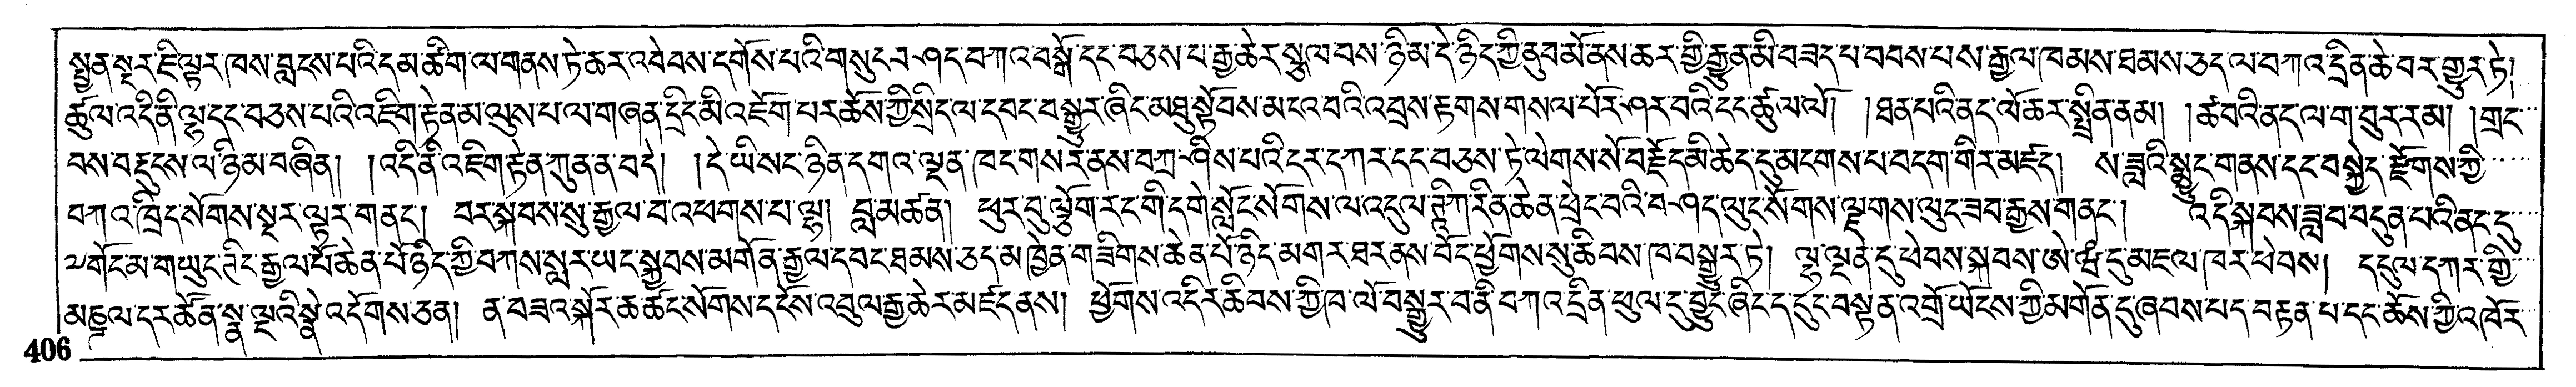སྤྱན་སྔར་ཇི་ལྟར་ཁས་བླངས་པའི་དམ་ཚིག་ལ་གནས་ཏེ་ཆར་འབེབས་དགོས་པའི་གསུང་བཤད་བཀའ་བསྒོ་དང་བཅས་པ་རྒྱ་ཆེར་སྩལ་བས་ཉི་མ་དེ་ཉིད་ཀྱི་ནུབ་མོ་ནས་ཆར་གྱི་རྒྱུན་མི་བཟད་པ་བབས་པས་རྒྱལ་ཁམས་ཐམས་ཅད་ལ་བཀའ་དྲིན་ཆེ་བར་གྱུར་ཏེ།
ཚུལ་འདི་ནི་ལྷ་དང་བཅས་པའི་འཇིག་རྟེན་མ་ལུས་པ་ལ་གཞན་དྲིང་མི་འཇོག་པར་ཆོས་ཀྱི་སྲིད་ལ་དབང་བསྒྱུར་ཞིང་མཐུ་སྟོབས་མངའ་བའི་འབྲས་རྟགས་གསལ་པོར་ཤར་བའི་ངང་ཚུལ་ལོ། །ཐན་པའི་ནད་ལ་ཆར་སྤྲིན་ནམ། །ཚ་བའི་ནད་ལ་ག་བུར་རམ། །གྲང་
བས་བརྡུངས་ལ་ཉི་མ་བཞིན། །འདི་ནི་འཇིག་རྟེན་ཀུན་ན་བདེ། །དེ་ཡི་སང་ཉིན་དགའ་ལྡན་ཁང་གསར་ནས་བཀྲ་ཤིས་བའི་དར་དཀར་དང་བཅས་ཏེ་ལེགས་སོ་བརྗོད་མི་ཆེད་དུ་མངགས་པ་བདག་གིར་མཛད། ས་ཟླའི་སྨྱུང་གནས་དང་བསྐྱེད་རྫོགས་ཀྱི་
བཀའ་ཁྲིད་སོགས་སྔར་ལྟར་གནང་། བར་སྐབས་སུ་རྒྱལ་བ་འཕགས་པ་ལྷ། བླ་མཚན། ཕུར་བུ་ལྕོག་རང་གི་དགེ་སློང་སོགས་ལ་འདུལ་ཊཱིཀ་རིན་ཆེན་ཕྲེང་བའི་བཤད་ལུང་སོགས་ལྗགས་ལུང་ཟབ་རྒྱས་གནང་། འདི་སྐབས་ཟླ་བ་བདུན་པའི་ནང་དུ་
༈ གོང་མ་གཡུང་ཊི་ང་རྒྱལ་པོ་ཆེན་པོ་ཉིད་ཀྱི་བཀས་སླར་ཡང་སྐྱབས་མགོན་རྒྱལ་དབང་ཐམས་ཅད་མཁྱེན་གཟིགས་ཆེན་པོ་ཉིད་མགར་ཐར་ནས་བོད་ཕྱོགས་སུ་ཆིབས་ཁ་བསྒྱུར་ཏེ། ལྷ་ལྡན་དུ་ཕེབས་སྐབས་ཨེ་ཝཾ་དུ་མཇལ་ཁར་ཕེབས། དངུལ་དཀར་གྱི་
མཎྜལ་དར་ཚོན་སྣ་ལྔའི་སྣེ་འདོགས་ཅན། ན་བཟའ་སྐོར་ཆ་ཚང་སོགས་དངོས་འབུལ་རྒྱ་ཆེར་མཛད་ནས། ཕྱོགས་འདིར་ཆིབས་ཀྱི་ཁ་ལོ་བསྒྱུར་བ་ནི་བཀའ་དྲིན་ཕུལ་དུ་བྱུང་ཞིང་ད་དུང་བསྟན་འགྲོ་ཡོངས་ཀྱི་མགོན་དུ་ཞབས་པད་བརྟན་པ་དང་ཆོས་ཀྱི་འཁོར་